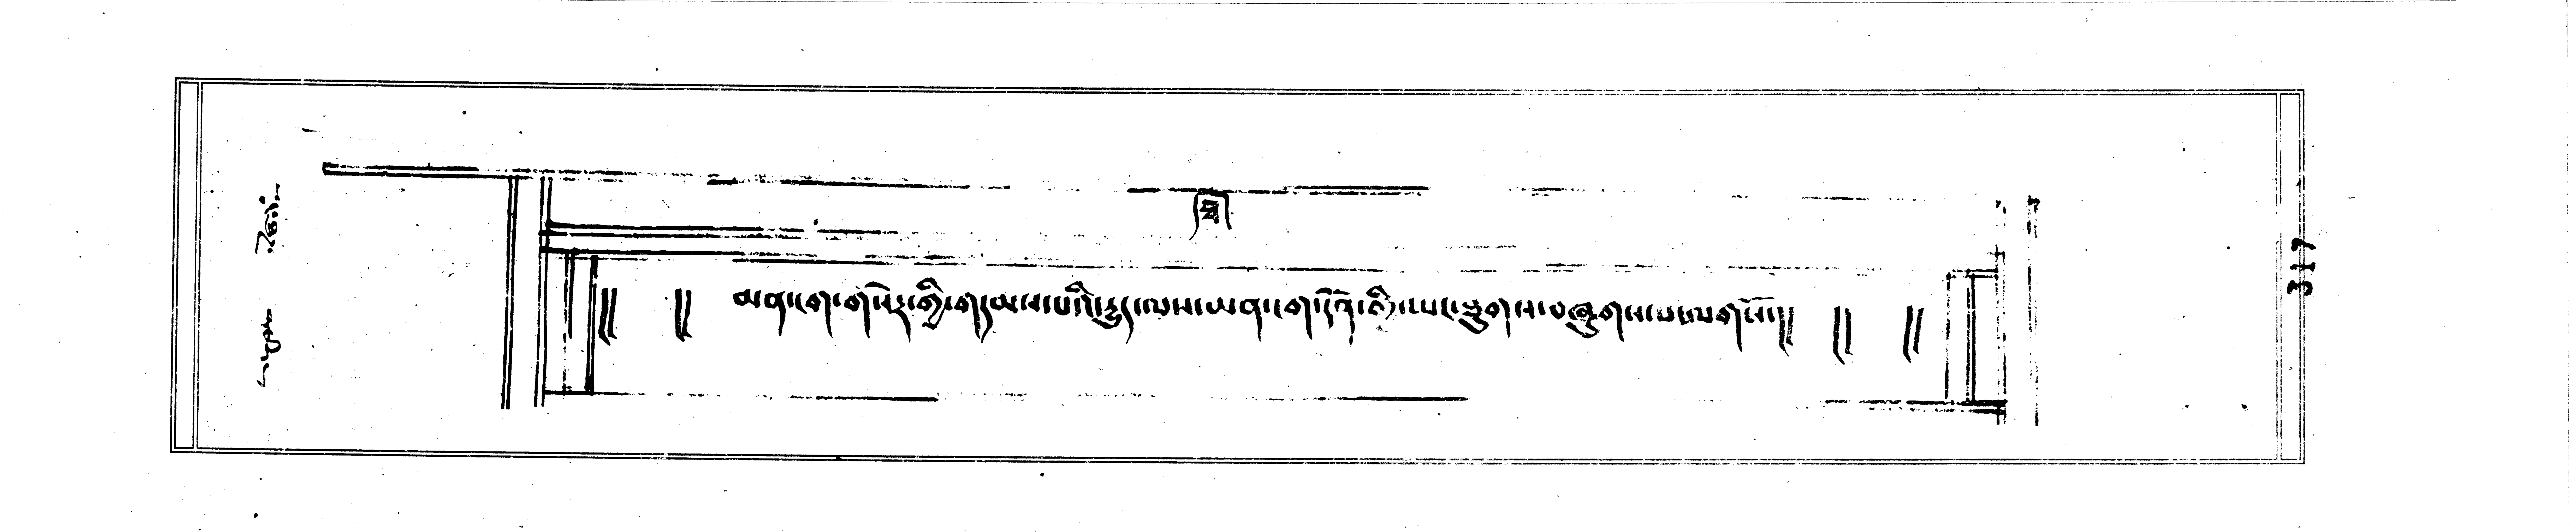༼ཐ༽།། མན་ངག་གསེར་གྱི་གདམས་པའི་རྒྱུད་ལས་མན་ངག་དོན་གྱི་ཡང་ཐུགས་༼ཏིག༽བཞུགས་པ་ལགས་སོ།།